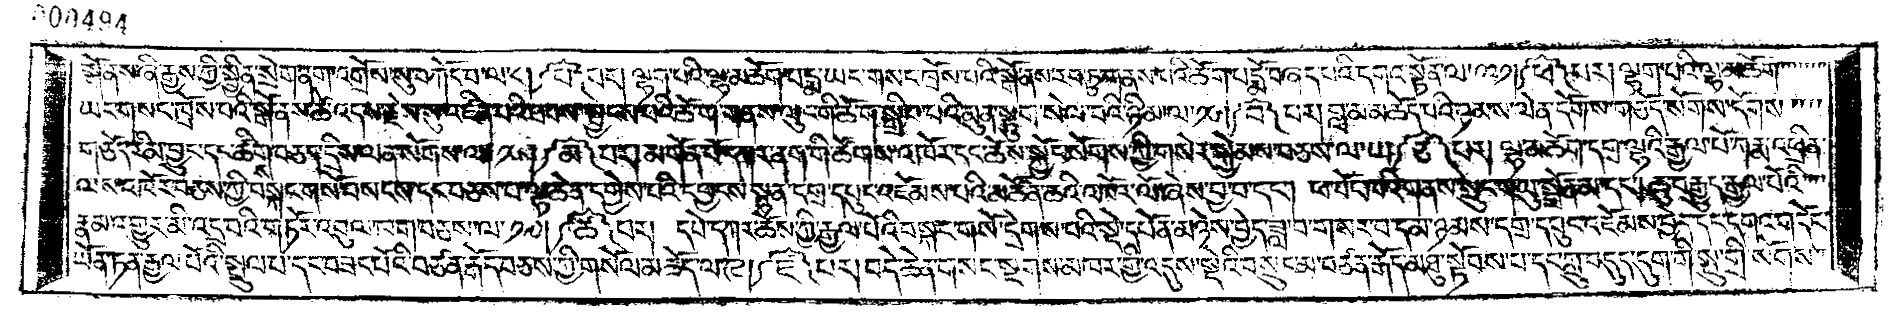སྒོ་ནས་ཞི་རྒྱས་ཀྱི་སྦྱིན་སྲེག་ནག་འགྲོས་སུ་བཀོད་པ་ལ༨། ༼པ༽ པར། ལྷག་པའི་ལྷ་མཆོག་པདམ་ཡང་གསང་ཁྲོས་པའི་སྒོ་ནས་རབ་ཏུ་གནས་པའི་ཆོག་པདམོ་བཞད་པའི་དགའ་སྟོན་ལ༣༡། ༼ཕ༽ པར། ལྷག་པའི་ལྷ་མཆོག་
ཡང་གསང་ཁྲོས་པའི་སྒོ་ནས་ཚེ་འདས་རྗེས་སུ་འཛིན་པའི་ཐབས་སྦྱངས་པའི་ཆོ་ག་གནས་ལུང་གི་ཆོ་ག་སྒྲིབ་པའི་མུན་སྟུག་སེལ་བའི་ཉི་མ་ལ༡༠། ༼བ༽ པར། བླ་མ་མཆོད་པའི་ཉམས་ལེན་དགོས་གཅོད་སོགས་དོགས་
གཅོད་རིམ་བྱུང་དང་ཚིགས་བཅད་དྲིས་ལན་སོགས་ལ༡༦། ༼མ༽ པར། མགོན་པོ་དཀར་ནག་གི་ཚོགས་འཁོར་དང་ཆོས་སྐྱོང་སོགས་ཀྱི་གསེར་སྐྱེམས་བཅས་ལ ༥། ༼ཙ༽ པར། ལྷ་མཆོག་དགྲ་ལྷའི་རྒྱལ་པོ་ཀརྨ་འཕྲིན་
ལས་འཁོར་བཅས་ཀྱི་བསྐང་གསོ་བསངས་དང་བཅས་པ་ལྷ་ཆེན་དགྱེས་པའི་དབྱངས་སྙན་དགྲ་དཔུང་འཇོམས་པའི་མཚོན་ཆའི་འཁོར་ལོ་ཞེས་བྱ་བ་དང་། ཕ་བོང་ཁའི་གནས་སྲུང་གཡུ་སྒྲོན་མ་དང་། ཆུ་བརྒྱུད་རྒྱལ་པོའི་
རྣམ་འགྱུར་མི་འདྲ་བའི་གཏོར་འབུལ་ཁག་བཅས་ལ༡༠། ༼ཚ༽ པར། དཔེ་དཀར་ཆོས་ཀྱི་རྒྱལ་པོའི་བསྐང་གསོ་དྲེགས་པའི་སྡེ་དཔོན་མཉེས་བྱེད་ཟླ་བ་གསར་བ་དམ་ཉམས་དགྲ་དཔུང་འཇོམས་བྱེད་དང་དགའ་གདོང་
ཡོན་ཏན་རྒྱལ་པོའི་སྤྲུལ་པ་དང་བཟང་པོའི་བཙན་རྒོད་བཅས་ཀྱི་གསོལ་མཆོད་ལ༩། ༼ཛ༽ པར། བདེ་ཆེན་གསང་སྔགས་མཁར་གྱི་འདུས་སྡེའི་བསྲུང་མ་བཙན་རྒོད་མཐུ་སྟོབས་པ་དང་གླུ་བདུད་དུག་གི་སྤུ་གྲི་སོགས་